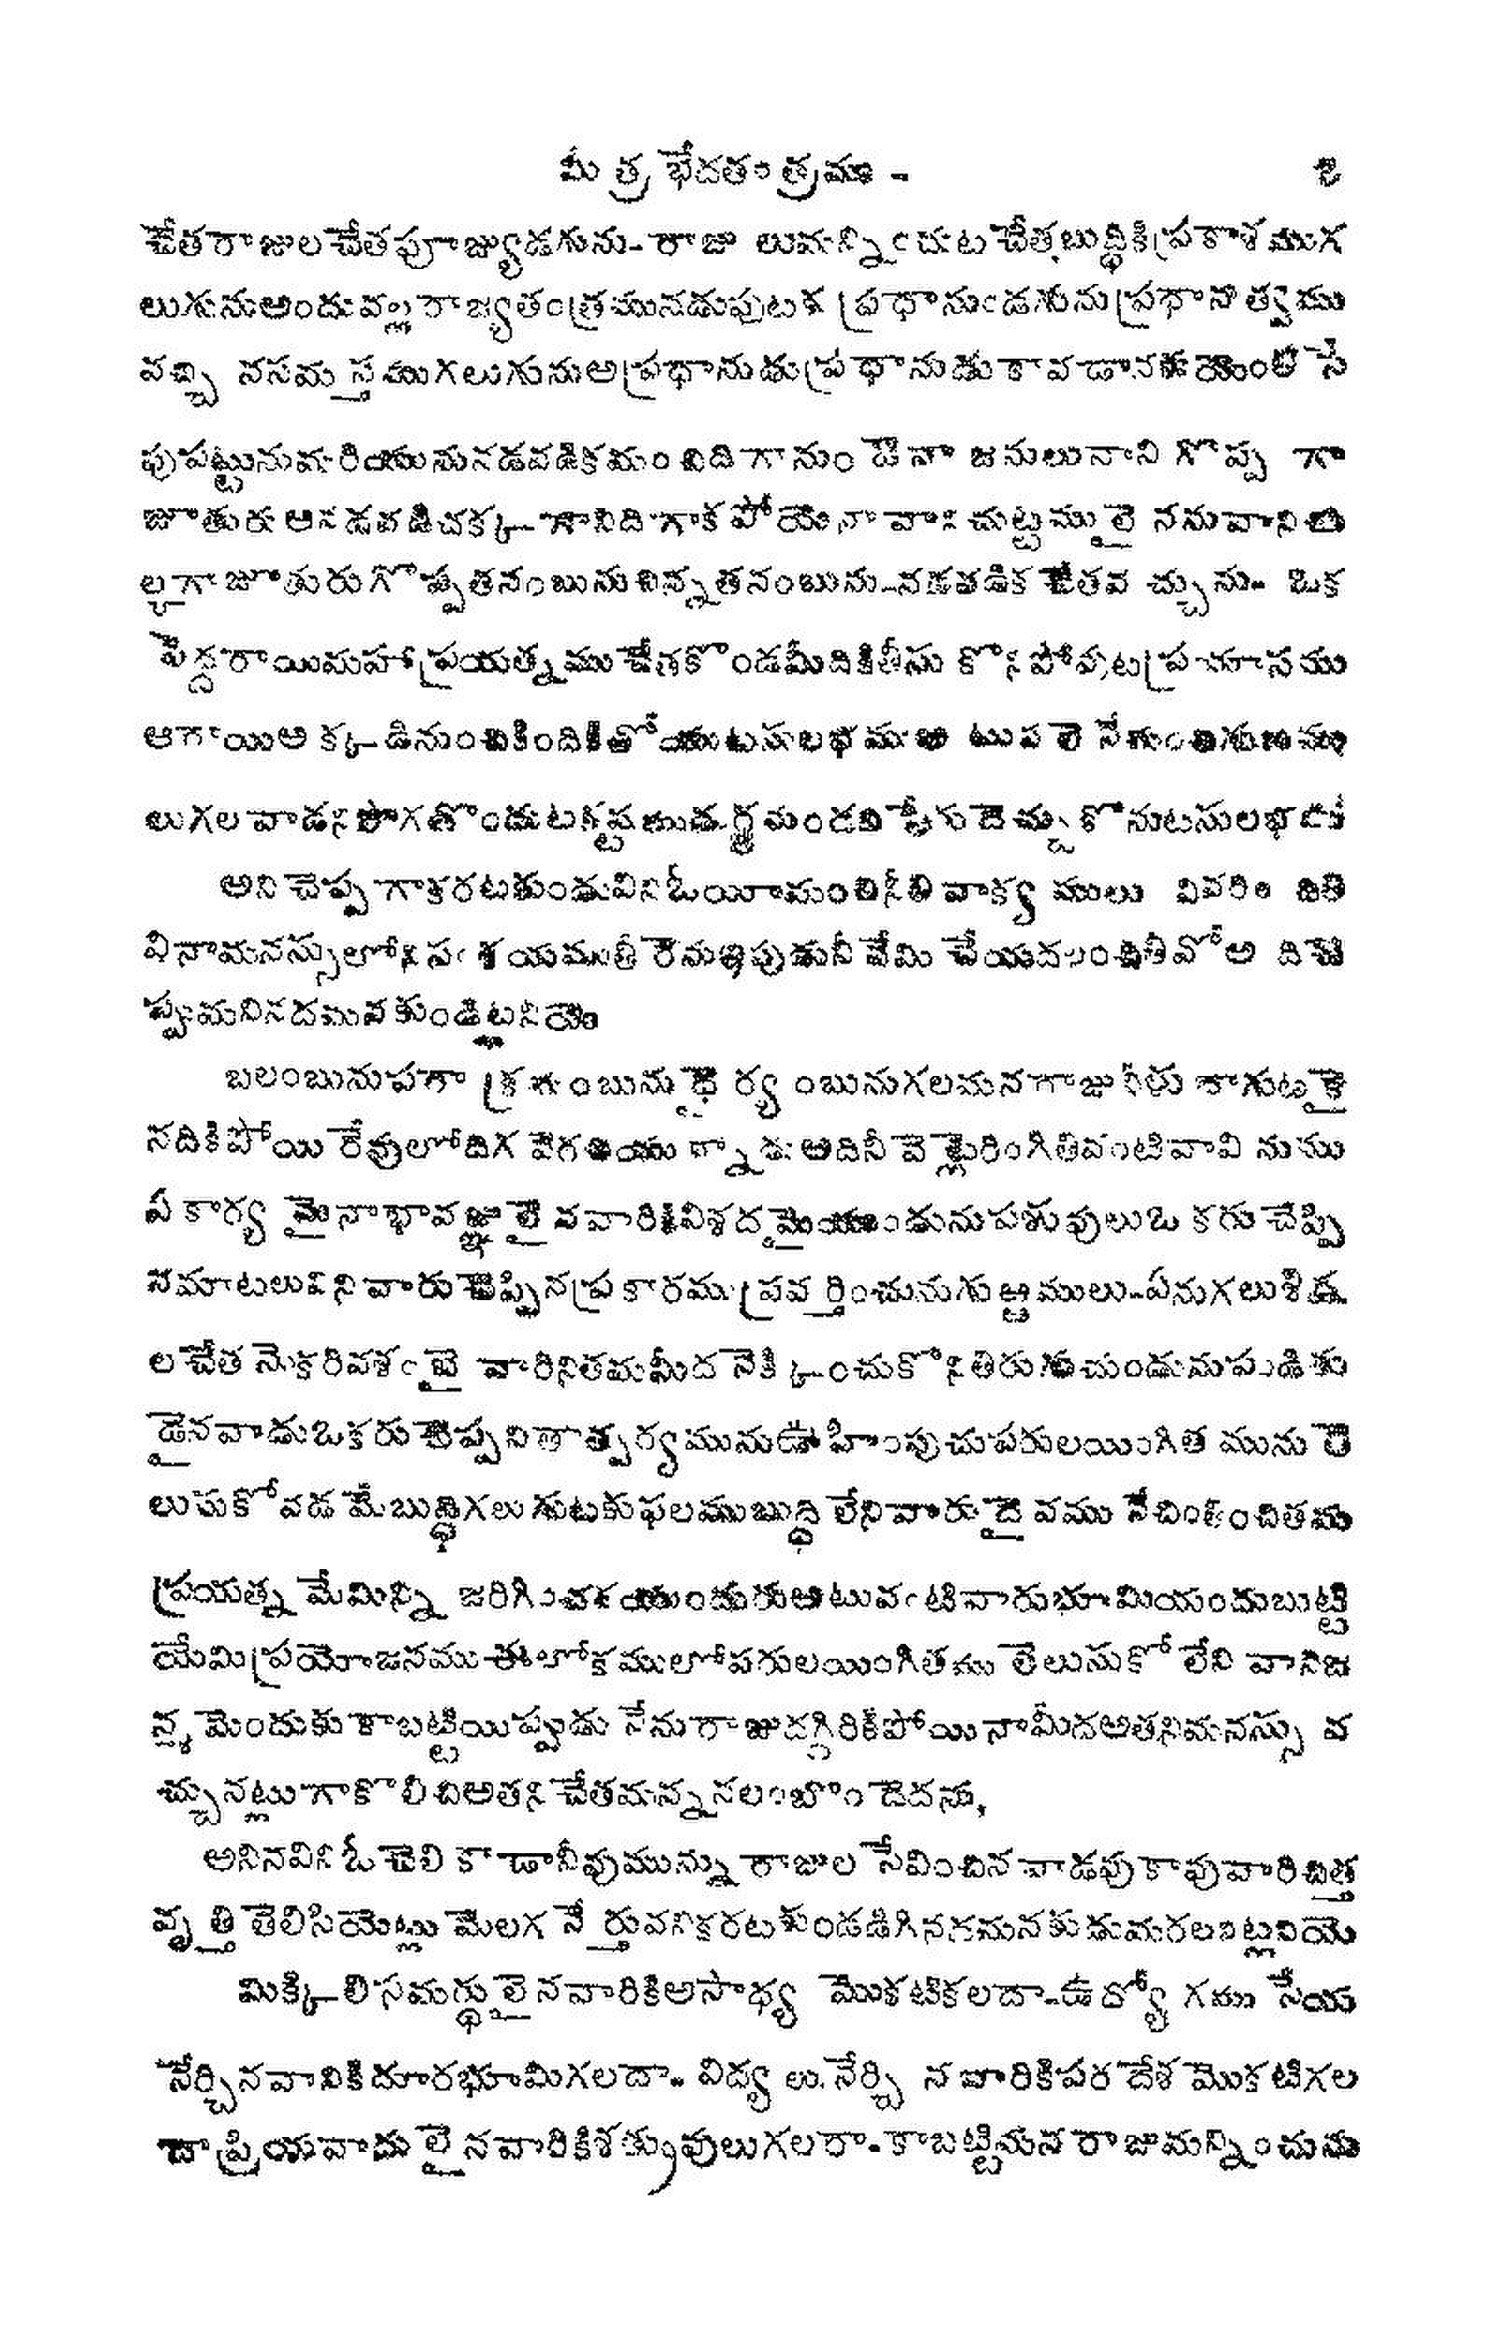చేత రాజులచేత పూజ్యుడగును. రాజులు మన్నించుటచేత బుద్ధికి ప్రకాశము గలుగును. అందువల్ల రాజ్యతంత్రము నడుపుటకు ప్రధానుఁడగును. ప్రధానత్వము వచ్చిన సమస్తము గలుగును. అప్రధానుడు ప్రధానుడు కావడానకు యెంతసేపు పట్టును. మరియును నడవడిక మంచిదిగా నుండెనా జనులు వాని గొప్పగా జూతురు. ఆనడవడి చక్కగానిది గాకపోయెనా వానిచుట్టములైనను వాని చుల్కగా జూతురు. గొప్పతనంబును చిన్నతనంబును నడవడికచేత వచ్చును. ఒకపెద్దరాయి మహాప్రయత్నముచేత కొండమీదికి తీసుకొనిపోవుట ప్రయాసము. ఆరాయి అక్కడినుంచి కిందికి తోయుట సులభము. అటువలెనే మంచిగుణములు గలవాడఃని పొగతొండుట కష్టము. దుర్జనుండని పేరు దెచ్చుకొనుట సులభము.

అని చెప్పగా కరటకుండు విని ఓయీ మంచినీతివాక్యములు వివరించితివి. నామనస్సులో సంశయము తీరెను. ఇపుడు నీ వేమి చేయదలంచితివో అది చెప్పుమనిన దమనకుం డిట్లనియె.

బలంబును పరాక్రమంబును ధైర్యంబును గలమనరాజు నీళు దాగుటకై నదికి పోయి రేవులో దిగక వెరచియున్నాడు. అది నీ వె ట్లెరింగితివంటివా వినుము. ఏకార్య మైనా భావజ్ఝులైనవారికి విశదమై యుండును. పశువులు ఒకరు చెప్పినమాటలు విని వారు చెప్పిన ప్రకారము ప్రవర్తించును. గుఱ్ఱములు, ఏనుగలు శిక్షలచేత నొకరివశంబై వారిని తమమీద నెక్కించుకొని తిరుచుండును. పండితుడైనవాడు ఒకరు చెప్పనితాత్పర్యమును ఊహింపుచు పరులయింగితమును దెలుసుకోవడమే బుద్ధి గలుగుటకు ఫలము. బుద్ధి లేనివారు దైవమునే చింతించి తమప్రయత్న మేమిన్ని జరిగించకయుందురు. అటువంటివారు భూమియందు బుట్టి యేమి ప్రయోజనము. ఈలోకములో పరులయింగితము తెలుసుకోలేనివానిజన్మ మెందుకు. కాబట్టి యిప్పుడు నేను రాజుదగ్గిరికి పోయి నామీద అతనిమనస్సు వచ్చునట్లుగా కొలిచి అతనిచేత మన్ననలం బొందెదను,

అనిన విని ఓచెలికాడా నీవు మున్ను రాజుల సేవించినవాడవు కావు. వారిచిత్తవృత్తి తెలిసి యెట్లు మెలగనేర్తు వని కరటకుం డడిగిన దమనకుడు మరల నిట్లనియె.

మిక్కిలిసమర్థులైనవారికి అసాధ్య మొకటి కలదా. ఉద్యోగము సేయ నేర్చినవానికి దూరభూమి గలదా. విద్యలు నేర్చినవారికి పరదేశ మొకటి గలదా. ప్రియవాదు లైనవారికి శత్రువులు గలరా. కాబట్టి మనరాజు మన్నించును